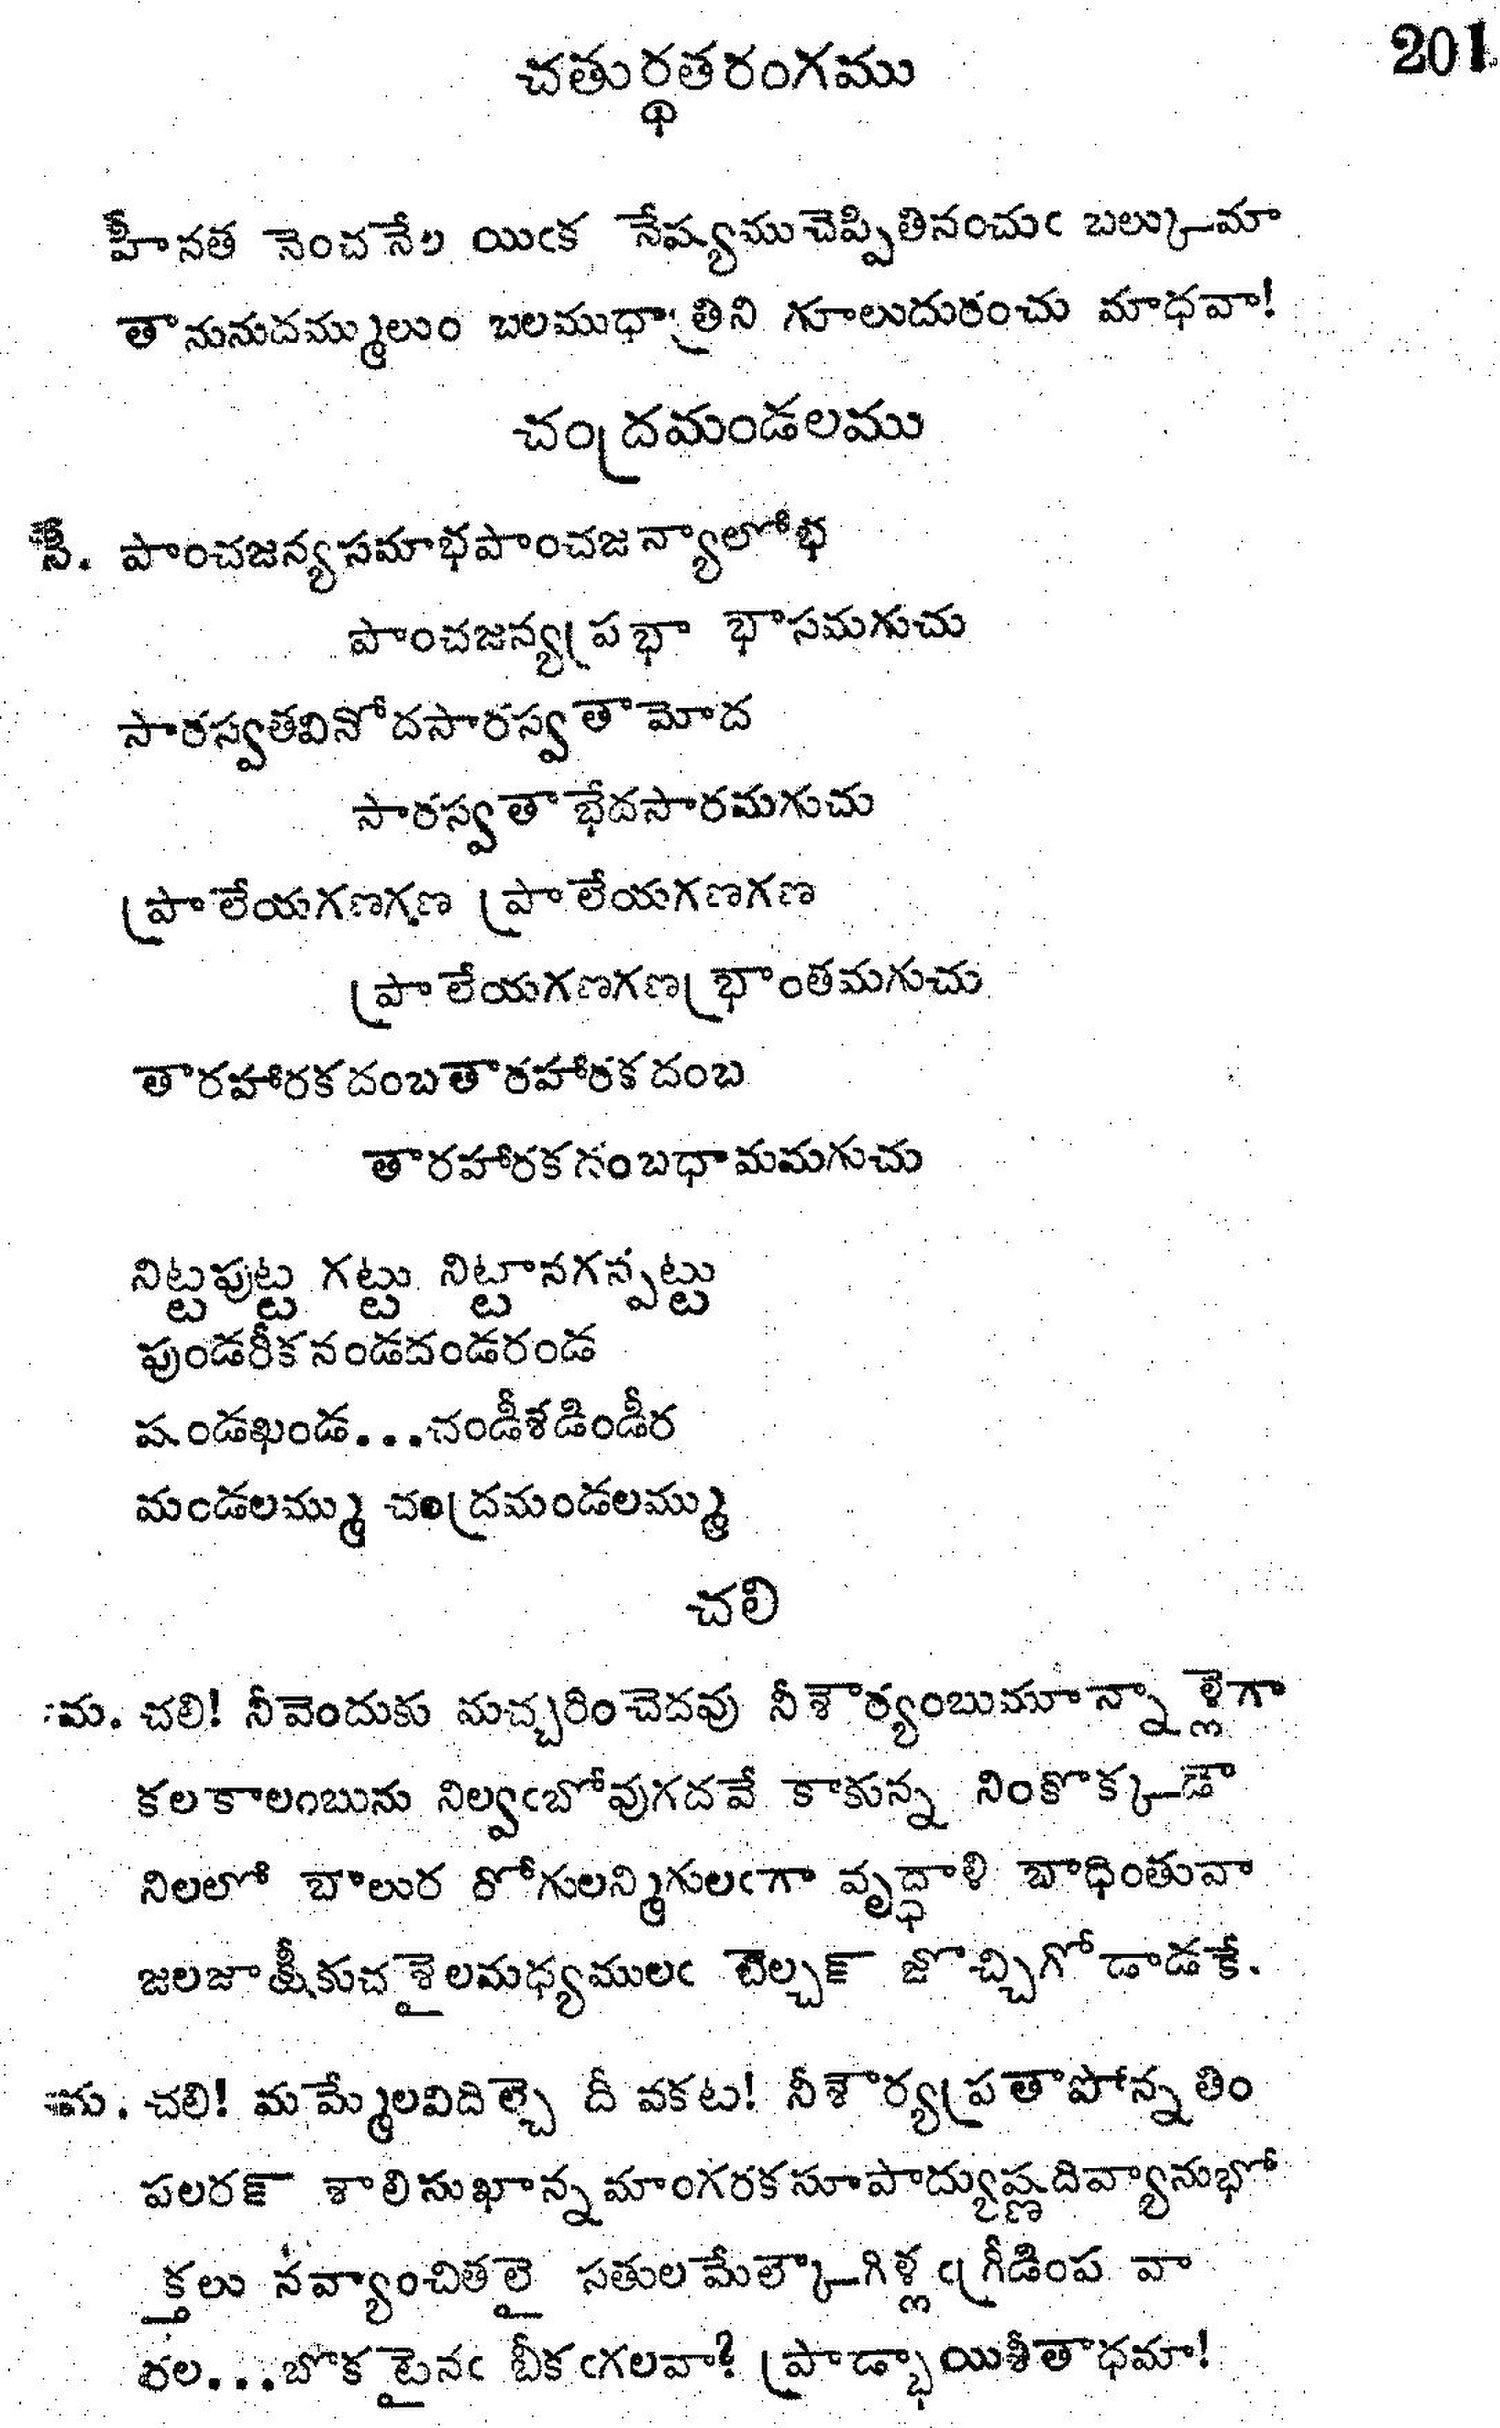హీనత నెంచనేల యిఁక నేష్యము చెప్పితినంచుఁ బల్కుమా
 తానును దమ్ములుం బలము ధాత్రిని గూలుదురంచు మాధవా!

సీ. పాంచజన్యసమాభ పాంచజన్యాలోభ
 పాంచజన్యప్రభాభాస మగుచు
 సారస్వతవినోద సారస్వతామోద
 సారస్వతాభేదసార మగుచు
 ప్రాలేయగణగణ ప్రాలేయగణగణ
 ప్రాలేయగణగణభ్రాంత మగుచు
 తారహారకదంబ తారహారకదంబ
 తారహారకదంబధామ మగుచు
 నిట్టపుట్ట గట్టు నిట్టాన గన్పట్టు
 పుండరీకనండదండరండ
 షండఖండ.....చండీశడిండీర
 మండలమ్ము చంద్రమండలమ్ము

మ. చలి! నీవెందుకు మచ్చరించెదవు? నీశౌర్యంబు మూన్నాళ్ళెగా
 కలకాలంబును నిల్వఁబోవుగదవే కాకున్న నింకొక్కడౌ
 నిలలో బాలుర రోగుల న్మిగులఁగా వృద్ధాళి బాధింతువా
 జలజాక్షీకుచశైలమధ్యములఁ బెల్చన్ జొచ్చిగోడాడకే.

మ. చలి! మమ్మేల విదిల్చె దీ వకట! నీశౌర్యప్రతాపోన్నతిం
 పలరన్ శాలిసుఖాన్నమాంగరకసూపాద్యుష్ణదివ్యానుభో
 క్తలు నవ్యాంచితలై సుతలమేల్కౌగిళ్ళఁ గ్రీడింప వా
 రల......బొకటైనఁ బీకఁగలవా? ప్రాడ్భాయిశీతాధమా!